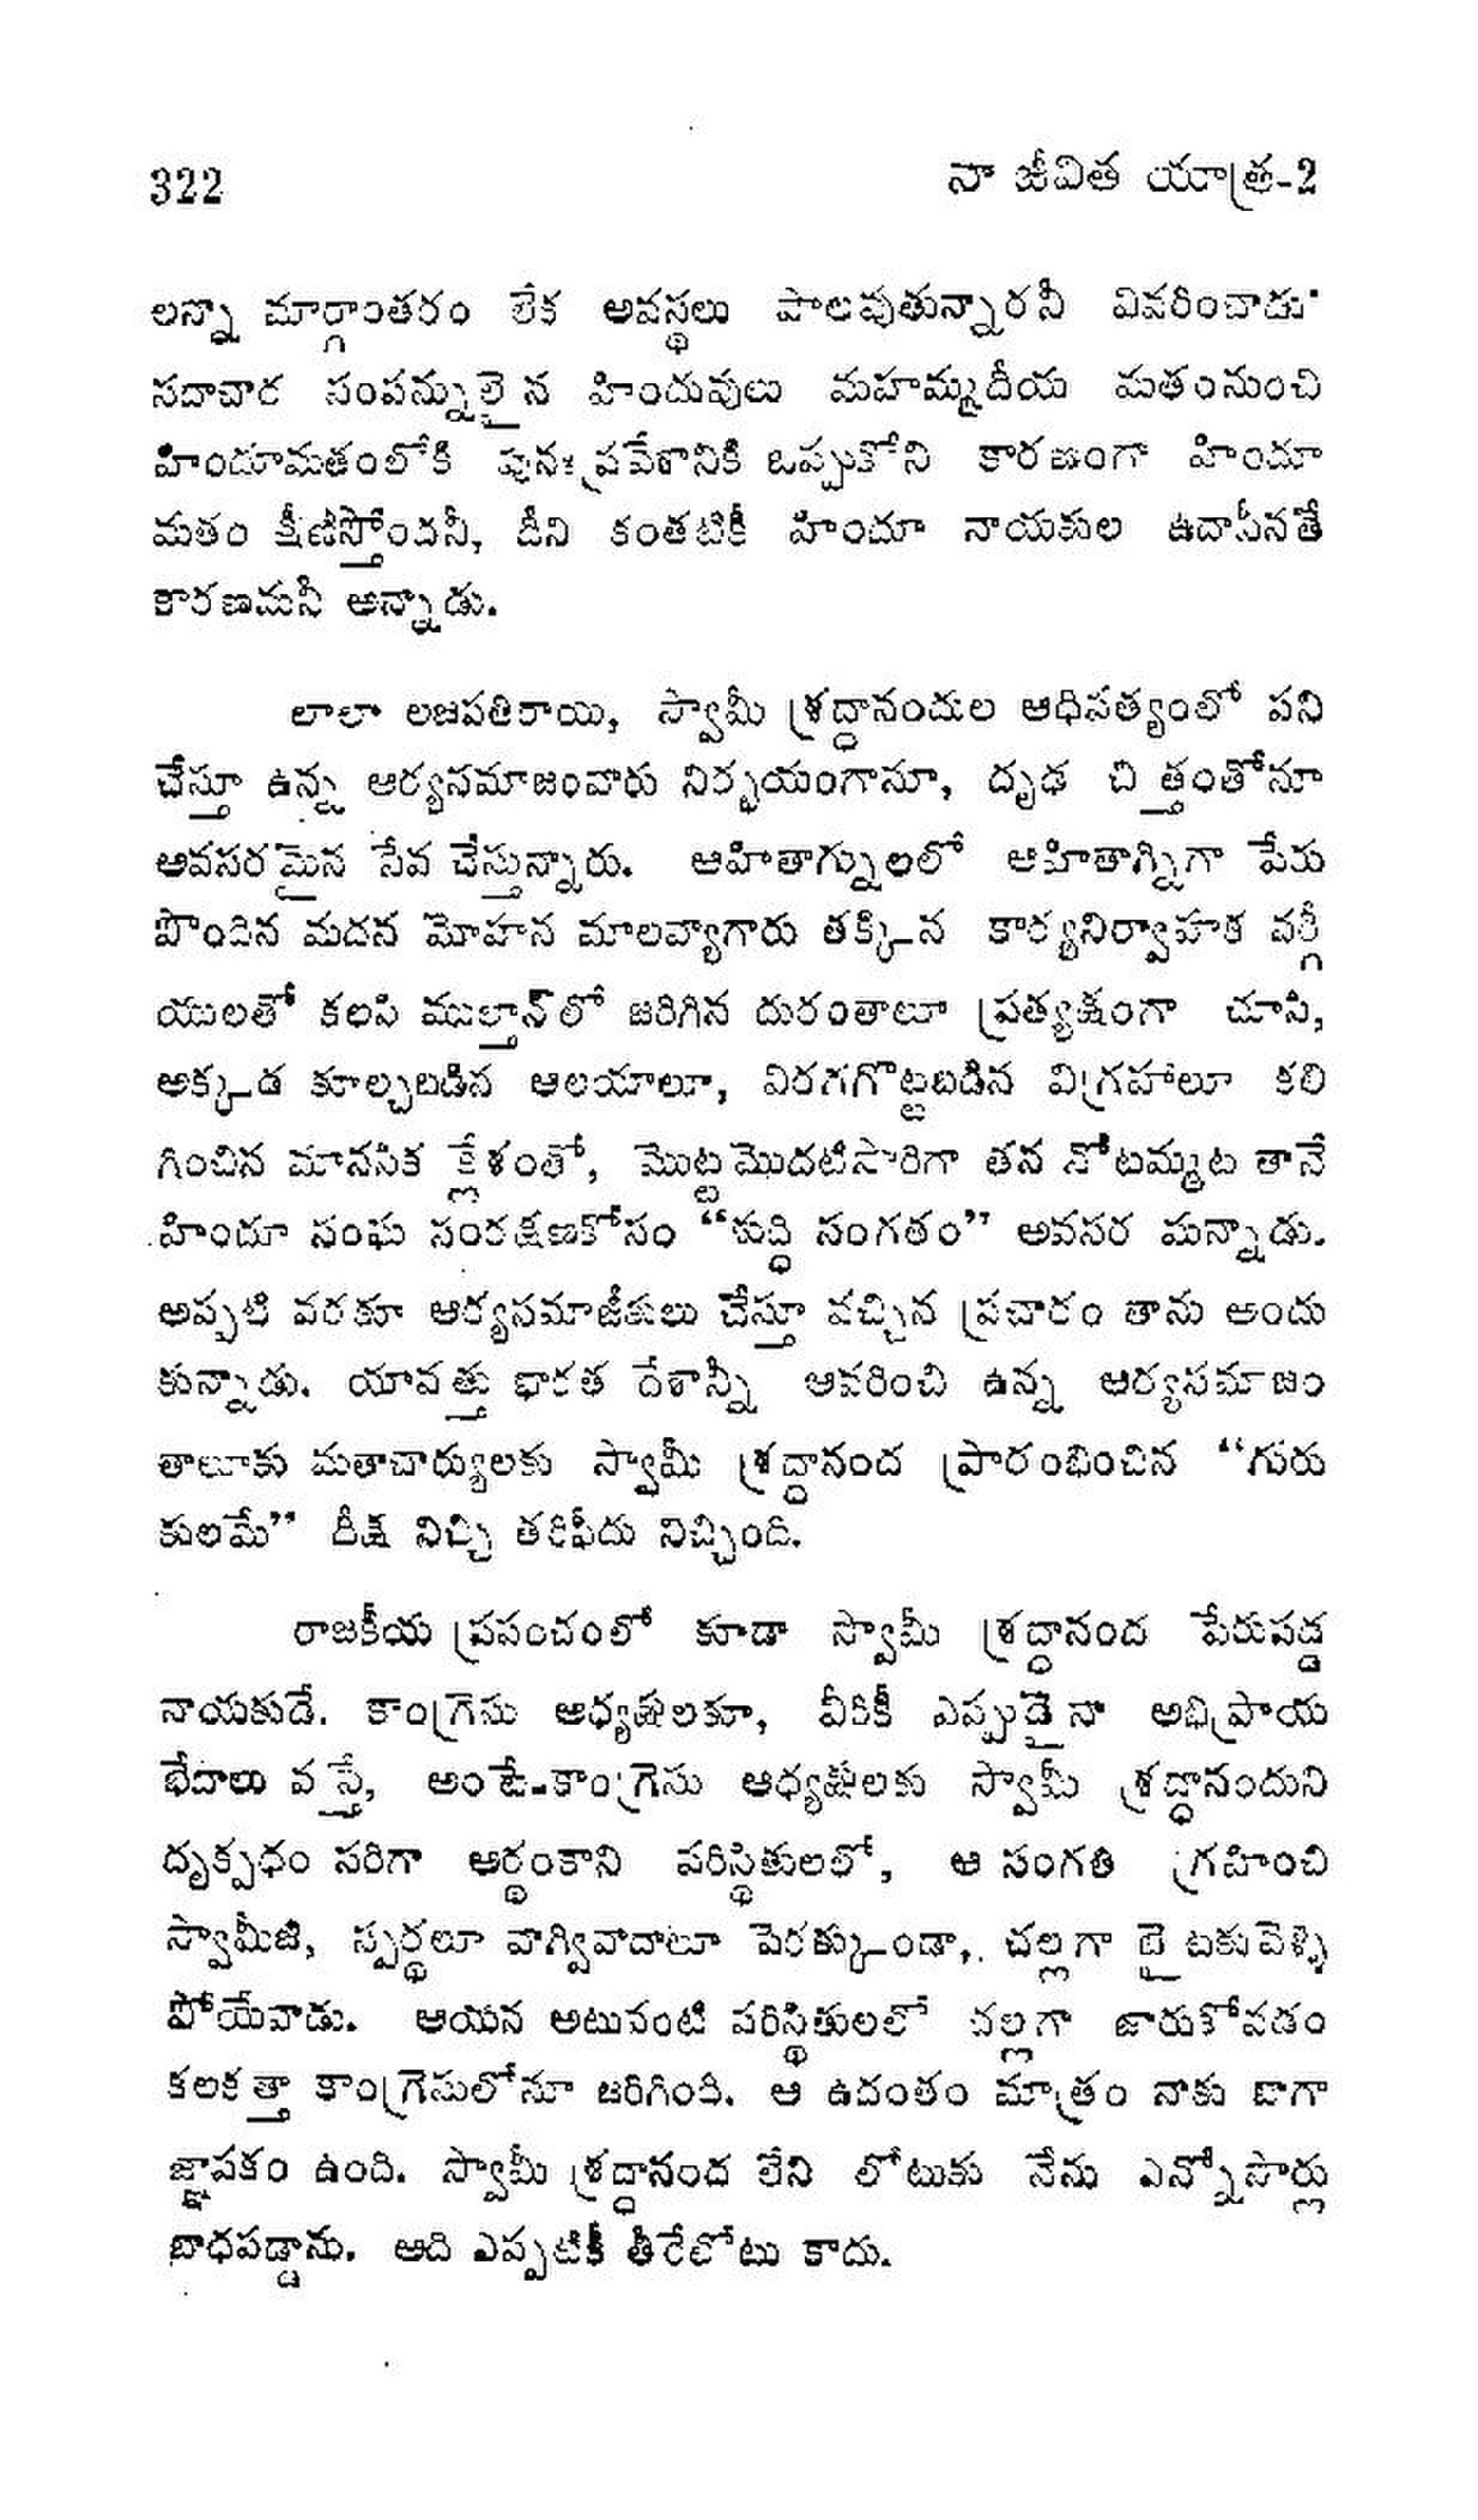లన్నా మార్గాంతరం లేక అవస్థలు పాలవుతున్నారనీ వివరించాడు" సదాచార సంపన్నులైన హిందువులు మహమ్మదీయ మతంనుంచి హిందూమతంలోకి పున:ప్రవేశానికి ఒప్పుకోని కారణంగా హిందూ మతం క్షీణీస్తోందనీ, దీని కంతటికీ హిందూ నాయకుల ఉదాసీనతే కారణమనీ అన్నాడు.

లాలా లజపతిరాయి, స్వామీ శ్రద్దానందుల ఆధిపత్యంలో పనిచేస్తూ ఉన్న ఆర్యసమాజంవారు నిర్భయంగానూ, దృఢ చిత్తంతోనూ అవసరమైన సేవ చేస్తున్నారు. అహితాగ్నులలో అహితాగ్నిగా పేరు పొందిన మదన మోహన మాలవ్యాగారు తక్కిన కార్యనిర్వాహక వర్గీయులతో కలసి ముల్తాన్‌లో జరిగిన దురంతాలూ ప్రత్యక్షంగా చూసి, అక్కడ కూల్చబడిన ఆలయాలూ, విరగగొట్టబడిన విగ్రహాలూ కలిగించిన మానసిక క్లేశంతో, మొట్టమొదటిసారిగా తన నోటమ్మట తానే హిందూ సంఘ సంరక్షణకోసం "శుద్ధి సంగతం" అవసర మన్నాడు. అప్పటి వరకూ ఆర్యసమాజీకులు చేస్తూ వచ్చిన ప్రచారం తాను అందుకున్నాడు. యావత్తు భారత దేశాన్నీ ఆవరించి ఉన్న ఆర్యసమాజం తాలూకు మతాచార్యులకు స్వామీ శ్రద్దానంద ప్రారంభించిన "గురుకులమే" దీక్ష నిచ్చి తరిఫీదు నిచ్చింది.

రాజకీయ ప్రపంచంలో కూడా స్వామీ శ్రద్దానంద పేరుబడ్డ నాయకుడే. కాంగ్రెసు అధ్యక్షులకూ, వీరికి ఎప్పుడైనా అభిప్రాయభేదాలు వస్తే, అంటే-కాంగ్రెసు అధ్యక్షులకు స్వామీ శ్రద్దానందుని దృక్పధం సరిగా అర్థంకాని పరిస్థితులలో , ఆ సంగతి గ్రహించి స్వామీజి, స్పర్థలూ వాగ్వివాదాలూ పెరక్కుండా, చల్లగా బైటకువెళ్ళి పోయేవాడు. ఆయన అటువంటి పరిస్థితులలో చల్లగా జారుకోవడం కలకత్తా కాంగ్రెసులోనూ జరిగింది. ఆ ఉదంతం మాత్రం నాకు బాగా జ్ఞాపకం ఉంది. స్వామీ శ్రద్దానంద లేని లోటుకు నేను ఎన్నోసార్లు బాధపడ్డాను. అది ఎప్పటికీ తీరేలోటు కాదు.